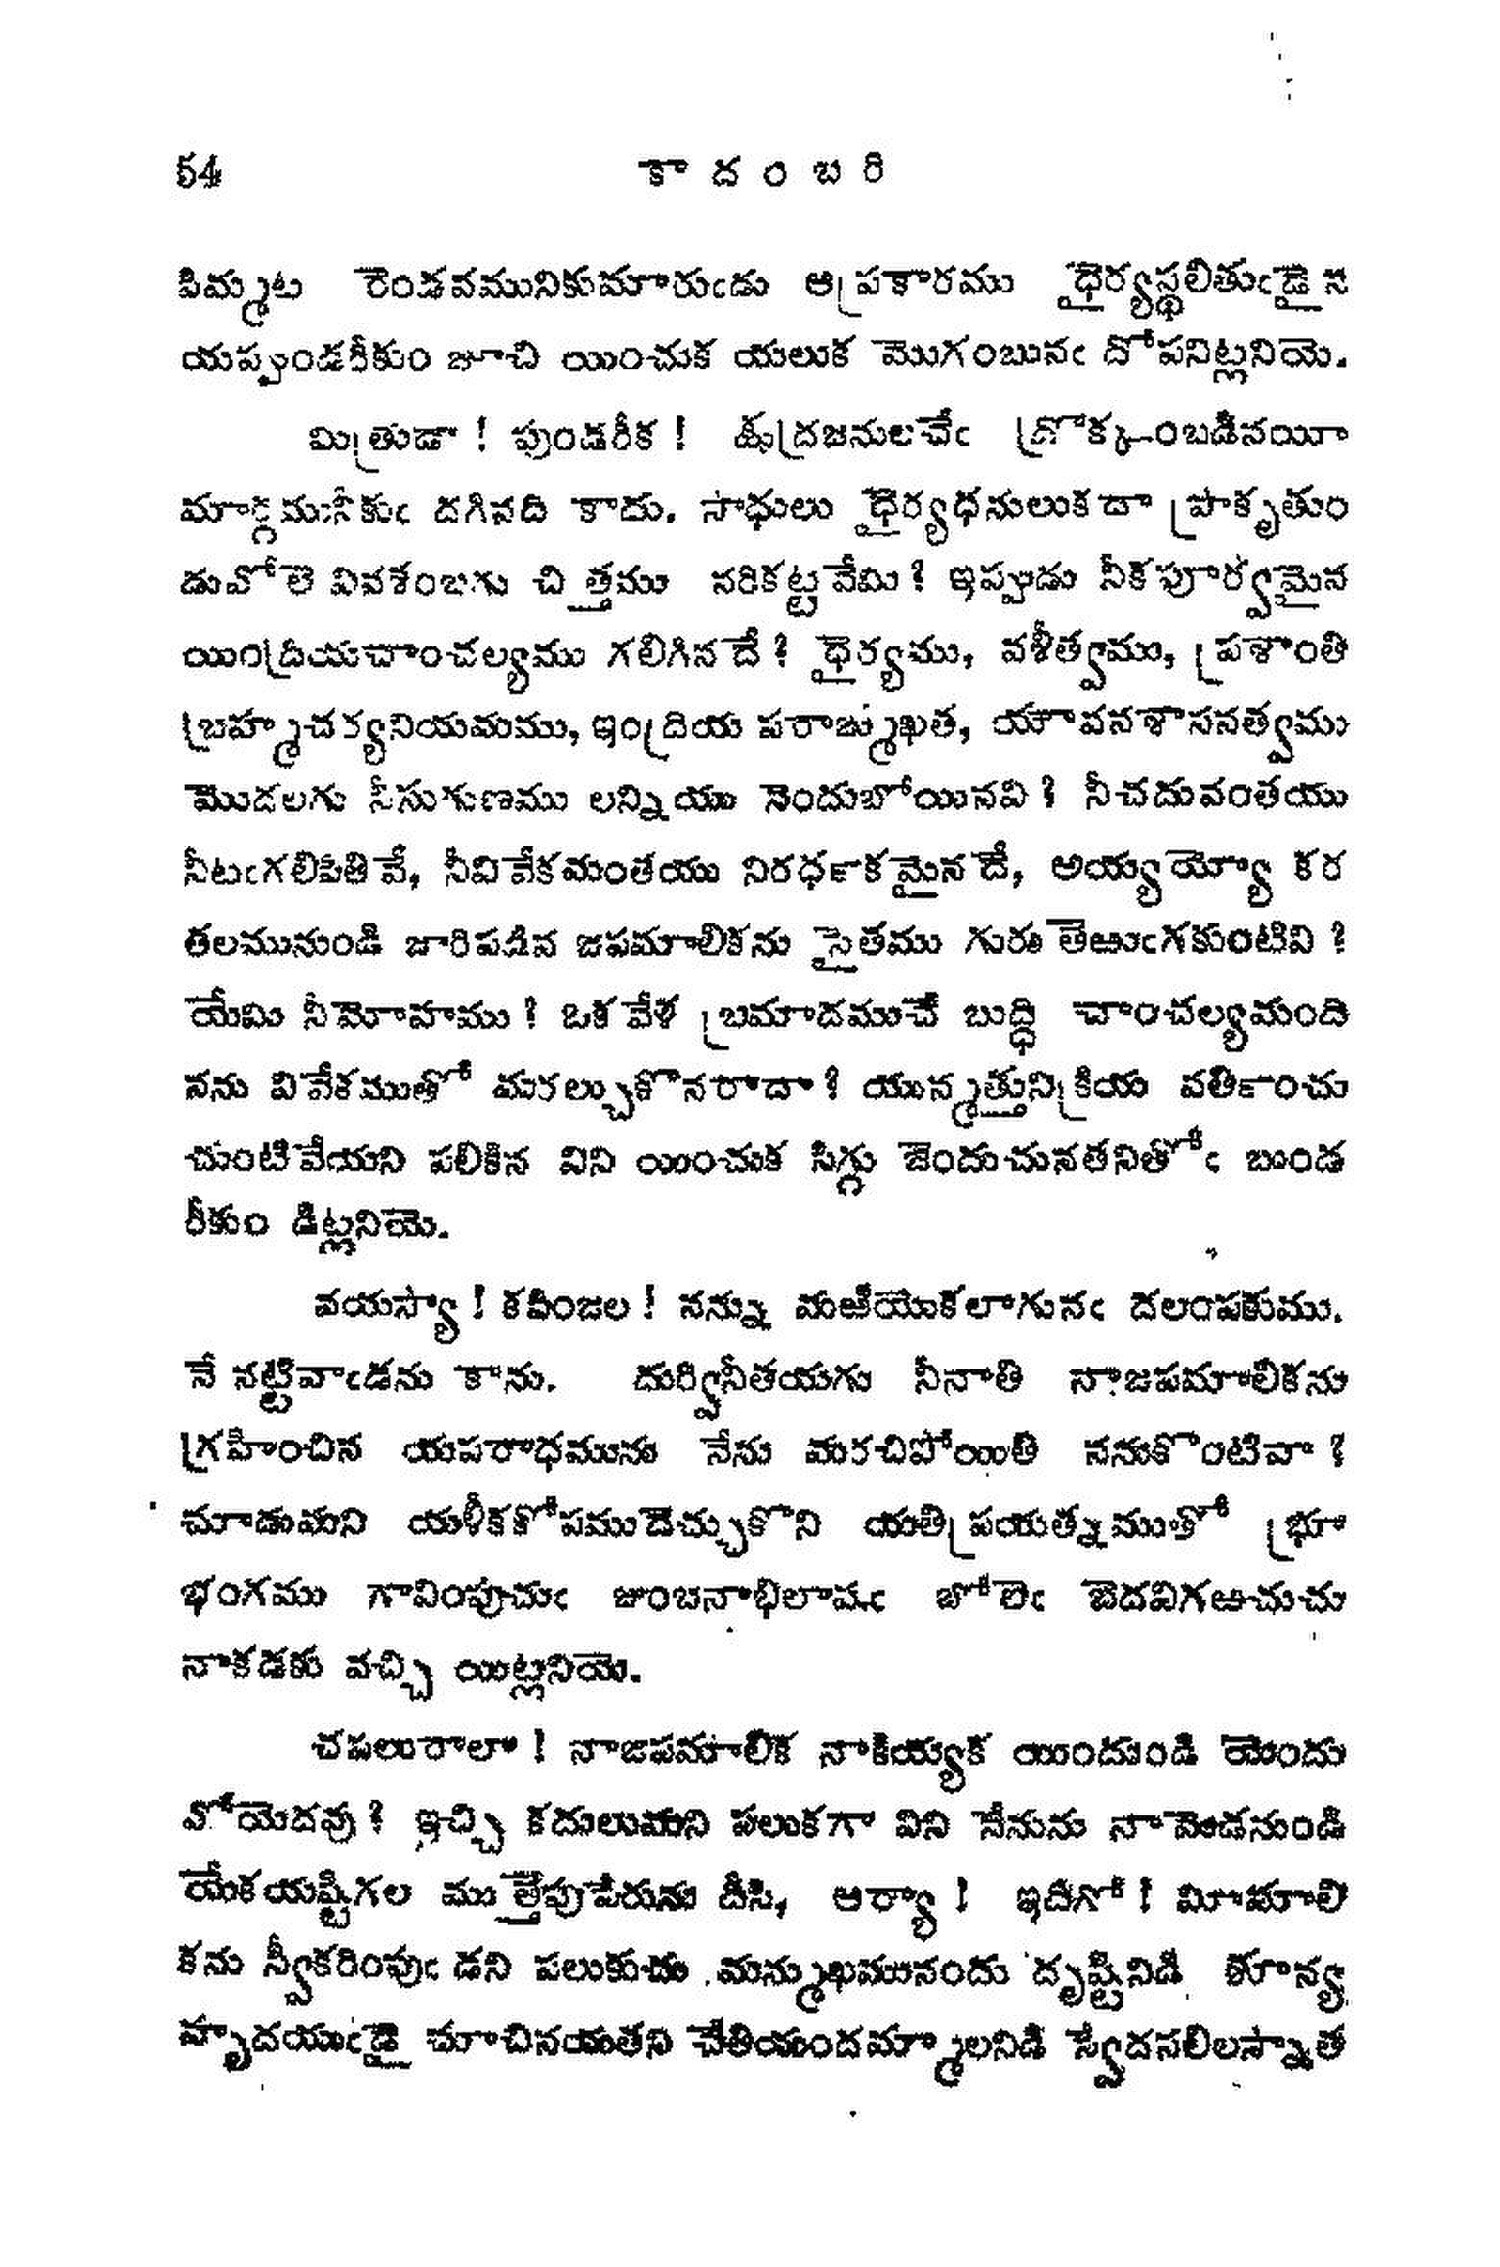పిమ్మట రెండవమునికుమారుఁడు ఆప్రకారము ధైర్యస్థలితుఁడైన యప్పుండరీకుం జూచి యించుక యలుక మొగంబునఁ దోపనిట్లనియె.

మిత్రుడా! పుండరీక! క్షుద్రజనులచేఁ ద్రొక్కంబడినయీ మార్గమునీకుఁ దగినది కాదు. సాధులు ధైర్యధనులుకదా ప్రాకృతుండువోలె వివశంబగు చిత్తము నరికట్టవేమి? ఇప్పుడు నీకపూర్వమైన యింద్రియచాంచల్యము గలిగినదే? ధైర్యము, వశీత్వము, ప్రశాంతి బ్రహ్మచర్యనియమము, ఇంద్రియ పరాఙ్ముఖత, యౌవనశాసనత్వము మొదలగు నీసుగుణము లన్నియు నెందుబోయినవి? నీచదువంతయు నీటఁగలిపితివే, నీవివేకమంతయు నిరధ౯కమైనదే, అయ్యయ్యో కరతలమునుండి జారిపడిన జపమాలికను సైతము గురుతెఱుఁగకుంటివి? యేమి నీమోహము? ఒకవేళ బ్రమాదముచే బుద్ధి చాంచల్యమంది నను వివేకముతో మరల్చుకొనరాదా? యున్మత్తునిక్రియ వతి౯ంచుచుంటివేయని పలికిన విని యించుక సిగ్గు జెందుచునతనితోఁ బుండరీకుం డిట్లనియె.

వయస్యా! కపింజల! నన్ను మఱియొకలాగునఁ దలంపకుము. నే నట్టివాఁడను కాను. దుర్వినీతయగు నీనాతి నాజపమాలికను గ్రహించిన యపరాధమును నేను మరచిపోయితి ననుకొంటివా? చూడుమని యళీకకోపముదెచ్చుకొని యతిప్రయత్నముతో భ్రూభంగము గావింపుచుఁ జుంజనాభిలాషఁ బోలెఁ బెదవిగఱచుచు నాకడకు వచ్చి యిట్లనియె.

చపలురాలా! నాజపమాలిక నాకియ్యక యిందుండి యెందు వోయెదవు? ఇచ్చి కదులుమని పలుకగా విని నేనును నా మెడనుండి యేకయష్టిగల ముత్తెపుపేరును దీసి, ఆర్యా! ఇదిగో! మీమాలికను స్వీకరింపుఁ డని పలుకుచు మన్ముఖమునందు దృష్టినిడి శూన్య హృదయుఁడై చూచినయతని చేతియందమ్మాలనిడి స్వేదసలిలస్నాత